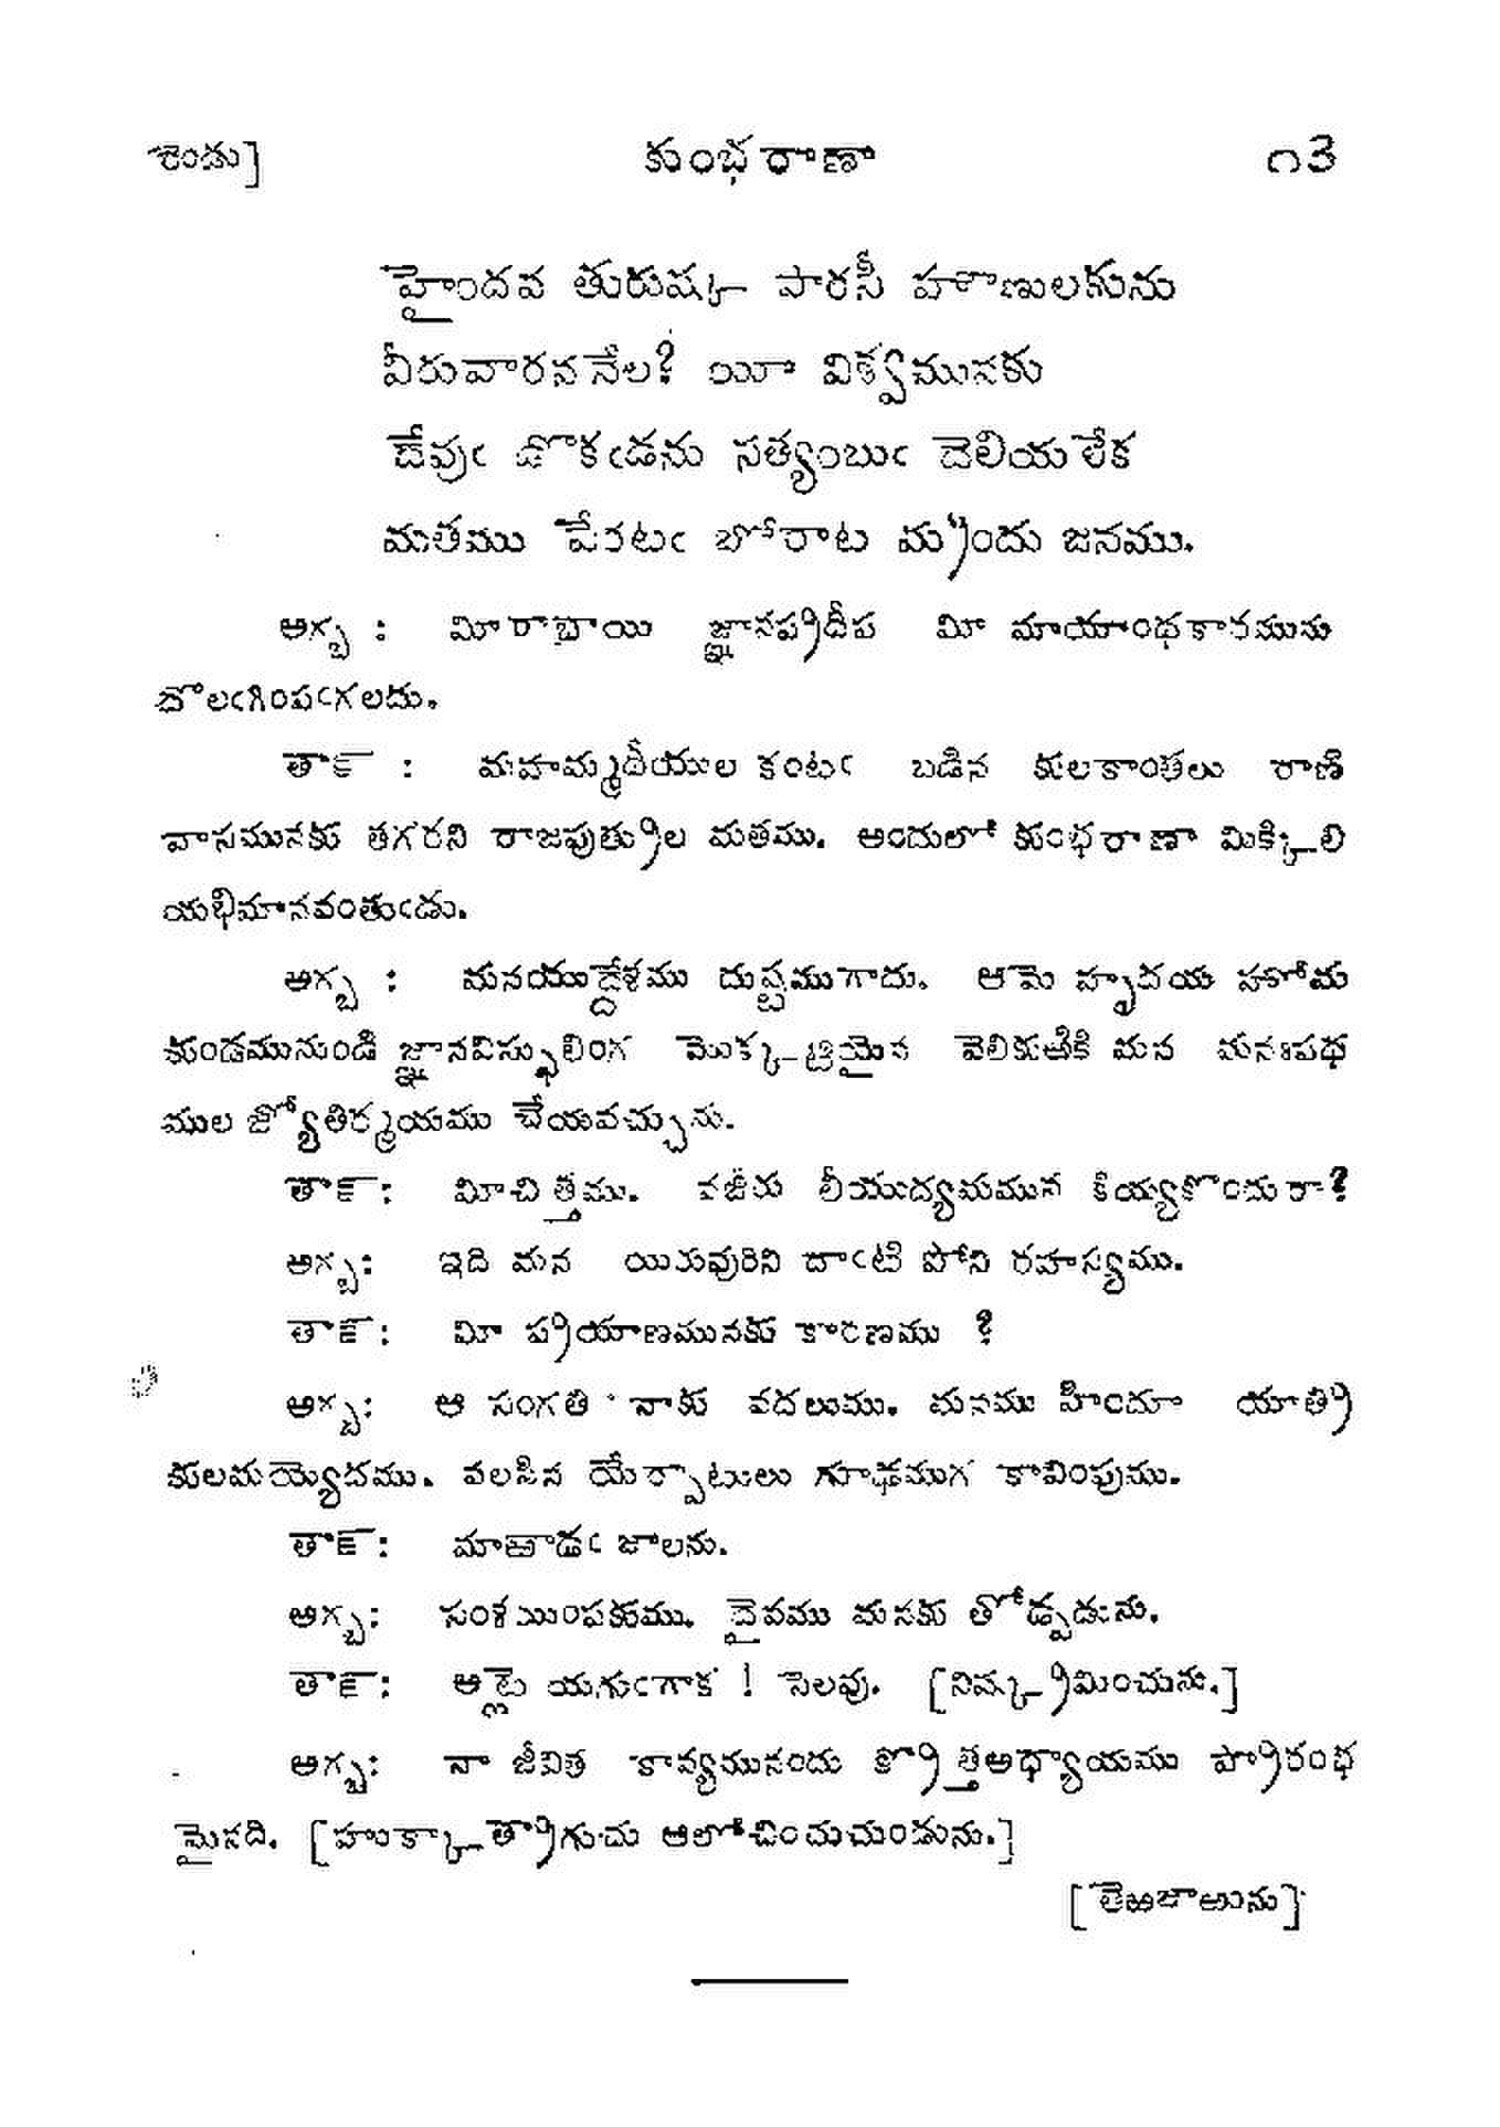హైందవ తురుష్క పారసీ హౌణులకును
 వీరువారననేల ?. యీ విశ్వమునకు
 దేవుఁ డొకఁడను సత్యంబుఁ దెలియలేక
 మతము పేరటఁ బోరాట మ్రందు జనము.

అగ్బ : మీరాబాయి జ్ఞానప్రదీప మీ మాయాంథకారమును దొలఁగింపఁగలదు.

తాన్ : మహమ్మదీయుల కంటఁ బడిన కులకాంతలు రాణివాసమునకు తగరని రాజపుత్రుల మతము. అందులో కుంభరాణా మిక్కిలి యభిమానవంతుఁడు.

అగ్బ : మనయుద్దేశము దుష్టముగాదు. ఆమె హృదయ హోమకుండమునుండి జ్ఞానవిస్ఫులింగ మొక్కటియైన వెలికుఱికి మన మన:పథముల జ్యోతిర్మయము చేయవచ్చును.

తాన్ : మీచిత్తము. వజీరు లీయుద్యమమున కియ్యకొందురా ?

అగ్బ : ఇది మన యిరువురిని దాఁటి పోని రహస్యము.

తాన్ : మీ ప్రయాణమునకు కారణము ?

అగ్బ : ఆ సంగతి నాకు వదలుము. మనము హిందూ యాత్రికులమయ్యెదము. వలసిన యేర్పాటులు గూఢముగ కావింపుము.

తాన్ : మాఱాడఁ జాలను.

అగ్బ : సంశయింపకుము. దైవము మనకు తోడ్పడును.

తాన్ : అట్లె యగుఁగాక ! సెలవు. [నిష్క్రమించును.]

అగ్బ : నా జీవిత కావ్యమునందు క్రొత్త అధ్యాయము ప్రారంభమైనది. [హుక్కాత్రాగుచు ఆలోచించుచుండును.]